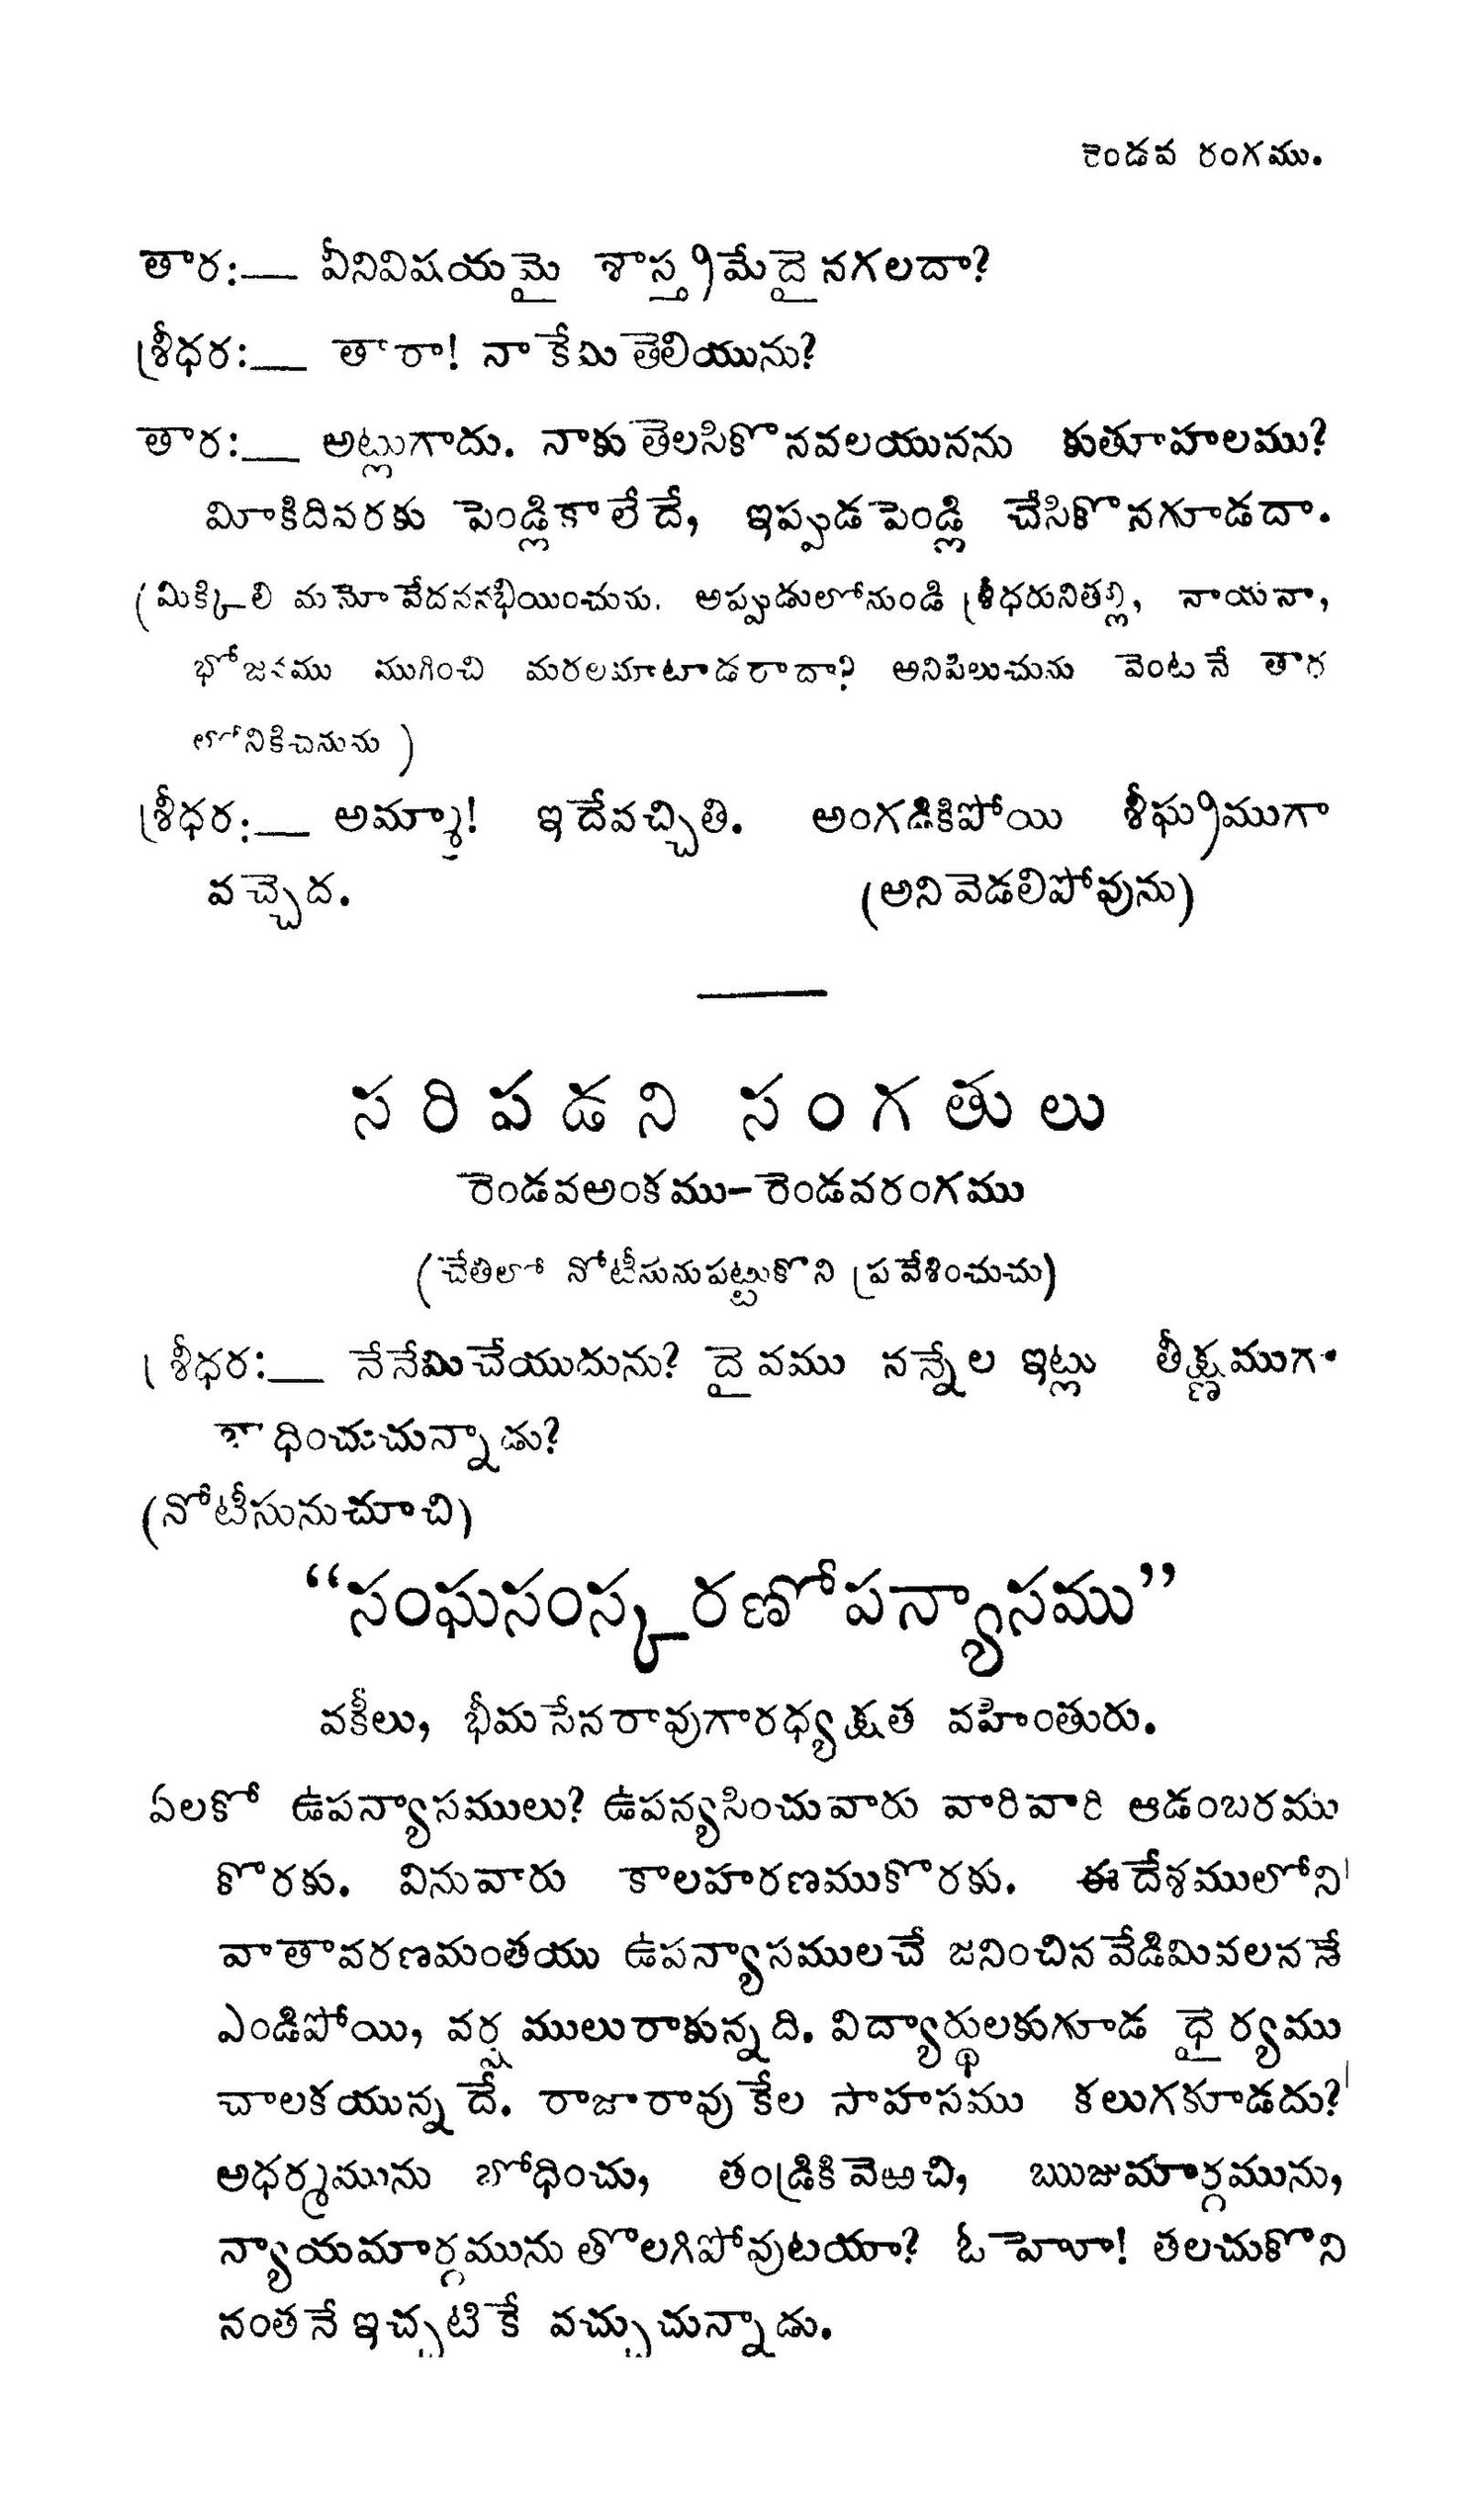తార:- వీనివిషయమై శాస్త్రమేదైనగలదా?

శ్రీధర:- తారా! నా కేమి తెలియును?

తార - అట్లుగాదు. నాకు తెలసి కొనవలయునను కుతూహలము?
మీకిదివరకు పెండ్లి కా లేదే, ఇప్పుడ పెండ్లి చేసికొనగూడదా.
(మిక్కిలి మన వేదననభియించును. అప్పుడులోనుండి శ్రీధరునితల్లి, నాయనా,
భోజనము ముగించి మరల మాటాడరా దాని అనిపిలుచును వెంటనే తార
లోనికి చనుము )

శ్రీధర: – అమ్మా! ఇ దేవచ్చితి. అంగడికిపోయి శీఘ్రముగా వచ్చెద.
(అని వెడలిపోవును)

శ్రీధర:- నేనేమి చేయుదును? దైవము నన్నేల ఇట్లు తీక్ష్ణముగా 
బాధించుచున్నాడు?
(నోటీసును చూచి)

ఏలకో ఉపన్యాసములు? ఉపన్యసించువారు వారి వారి ఆడంబరము
గొరకు. వినువారు కాలహరణముకొరకు. ఈ దేశములోని
వాతావరణ మంతయు ఉపన్యాసములచే జనించిన వేడిమి వలన నే
ఎండిపోయి, వర్షములు రాకున్నది. విద్యార్థులకు గూడ ధైర్యము
చాలక యున్నదే. రాజారావు కేల సాహసము కలుగ కూడదు?
అధర్మమును బోధించు, తండ్రికి వెఱచి, ఋజు మార్గమును,
న్యాయ మార్గమును తొలగి పోవుటయా? ఓహూ! తలచుకొని
నంతనే ఇచ్చటికే వచ్చు చున్నాడు.